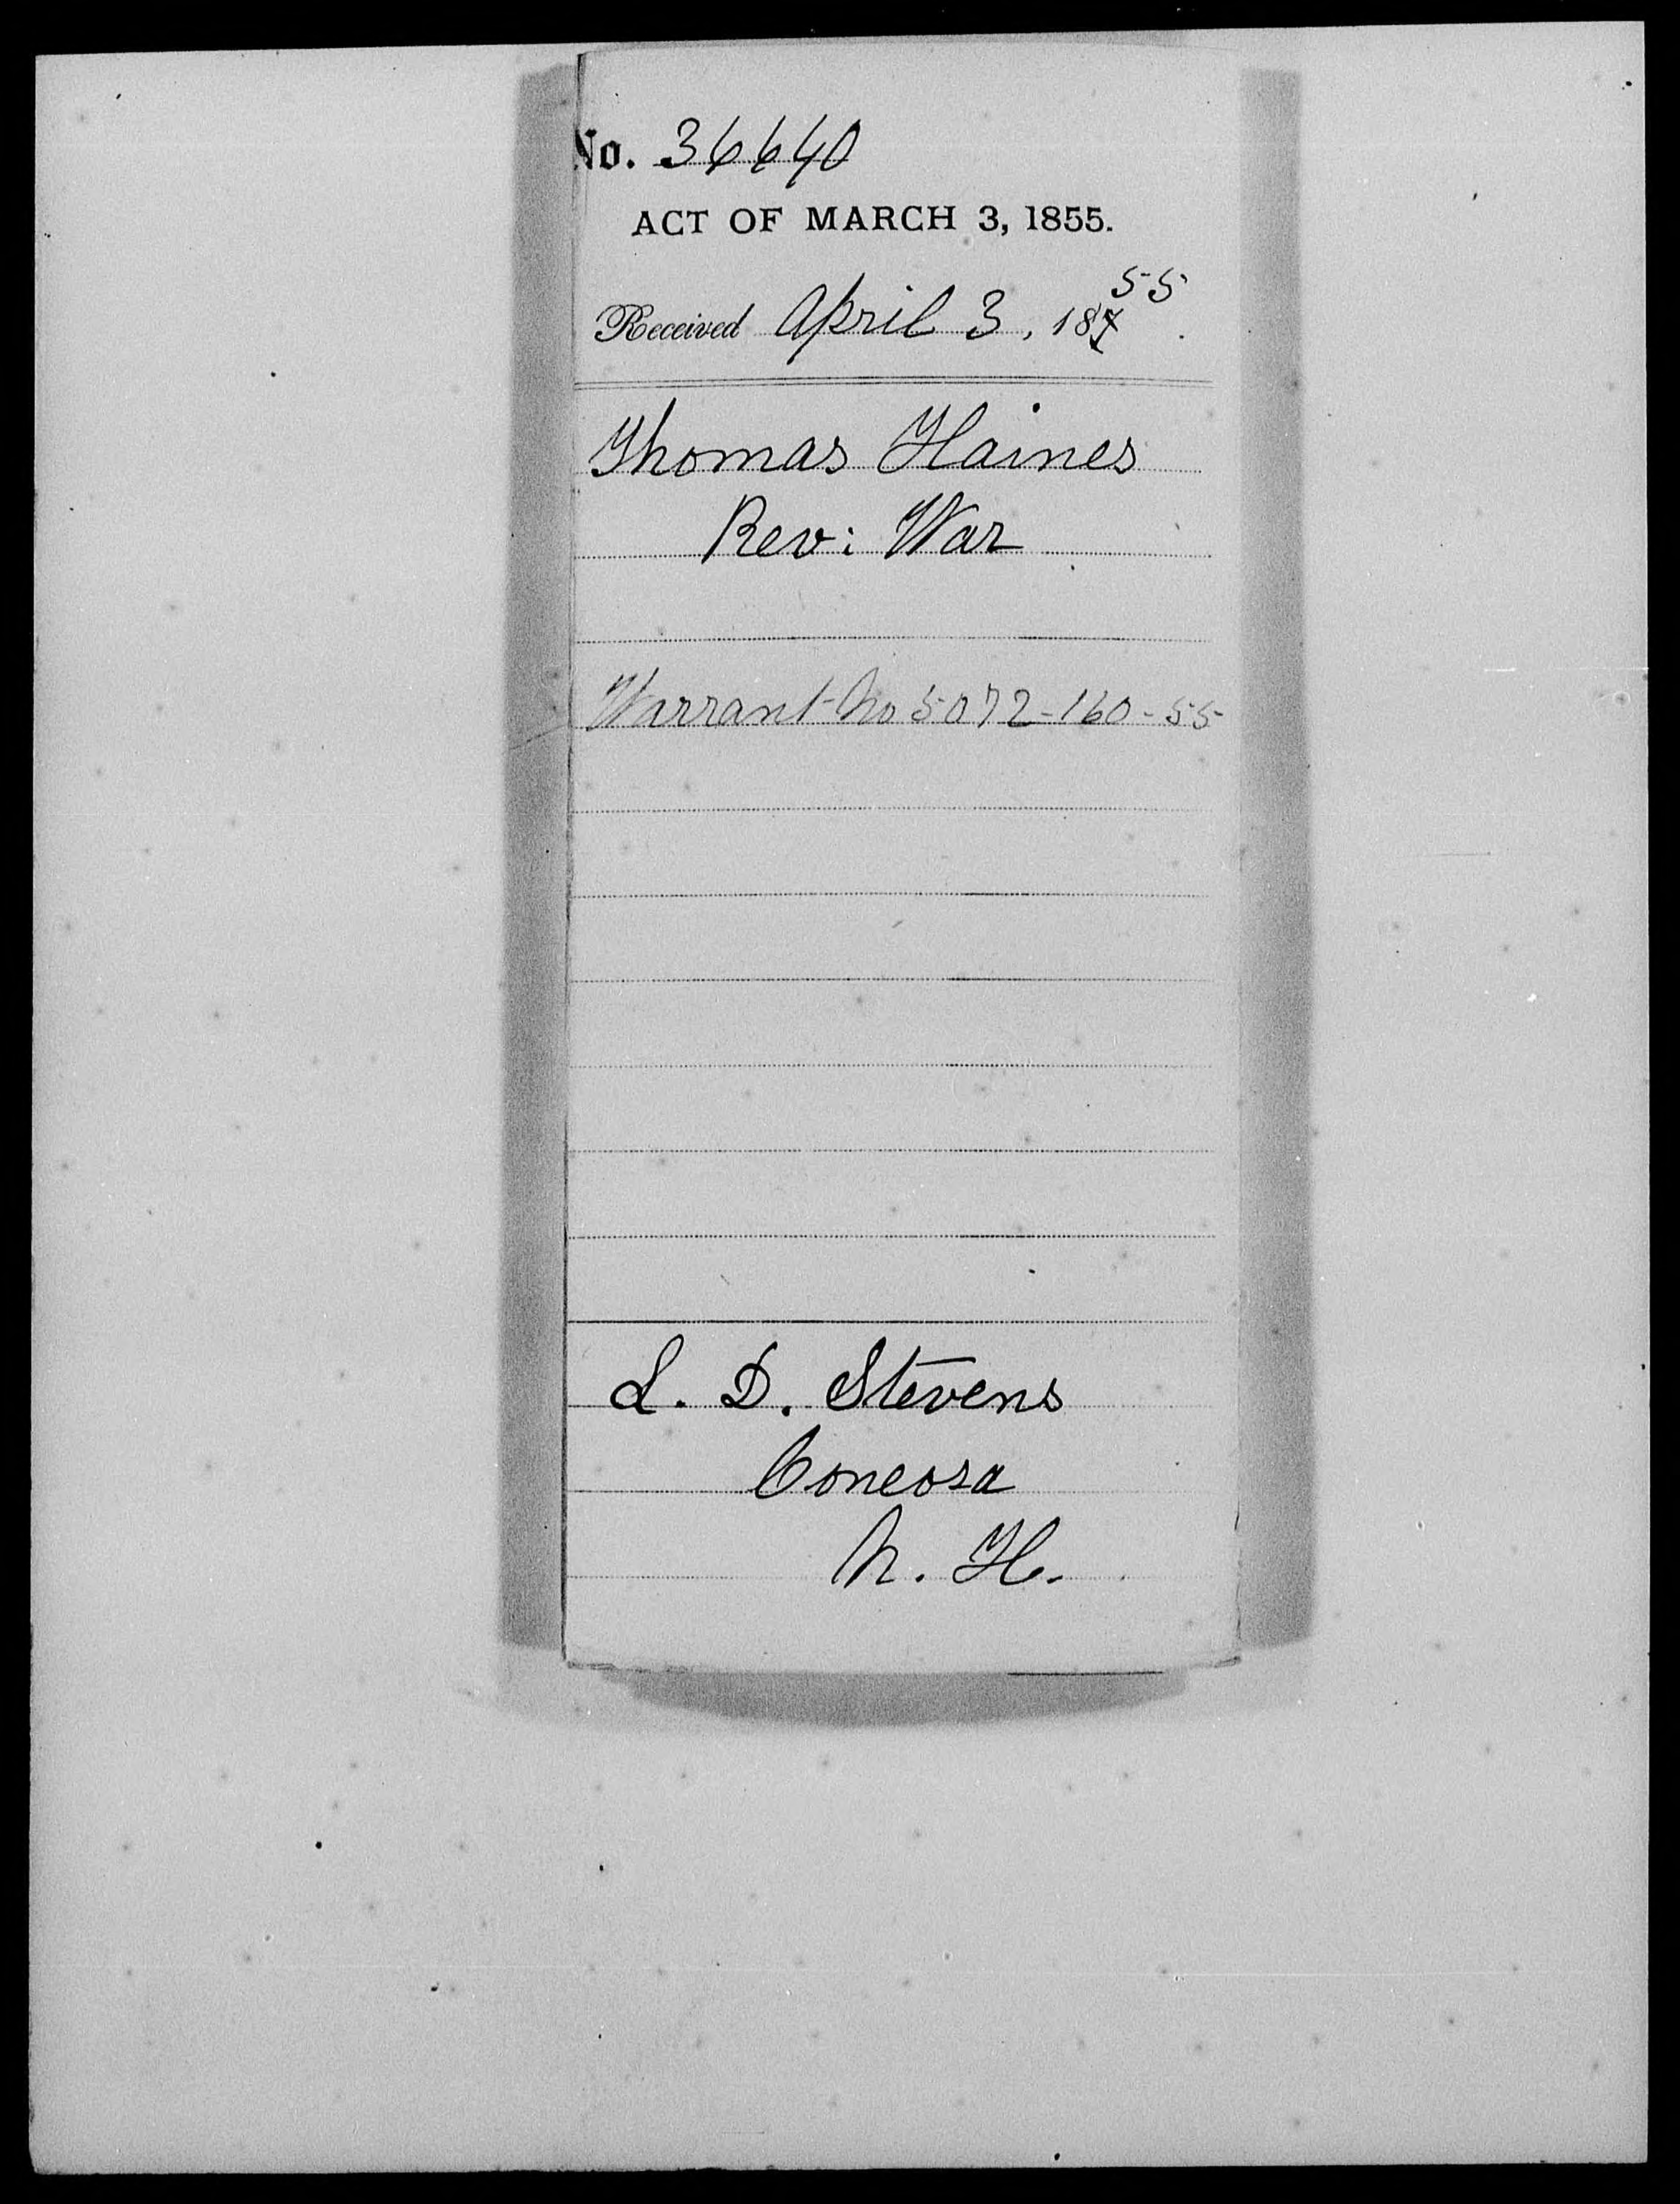No. 36640
ACT OF MARCH 3, 1855
Received April 3 1855
Thomas Haines
Rev: War

Warrant No 5072-160-55


L. D. Steven’s
Concord
N.H.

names: L D Stevens, Thomas Haines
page: 26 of 57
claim: widow's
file: W. 23217, Thomas Haines, N H